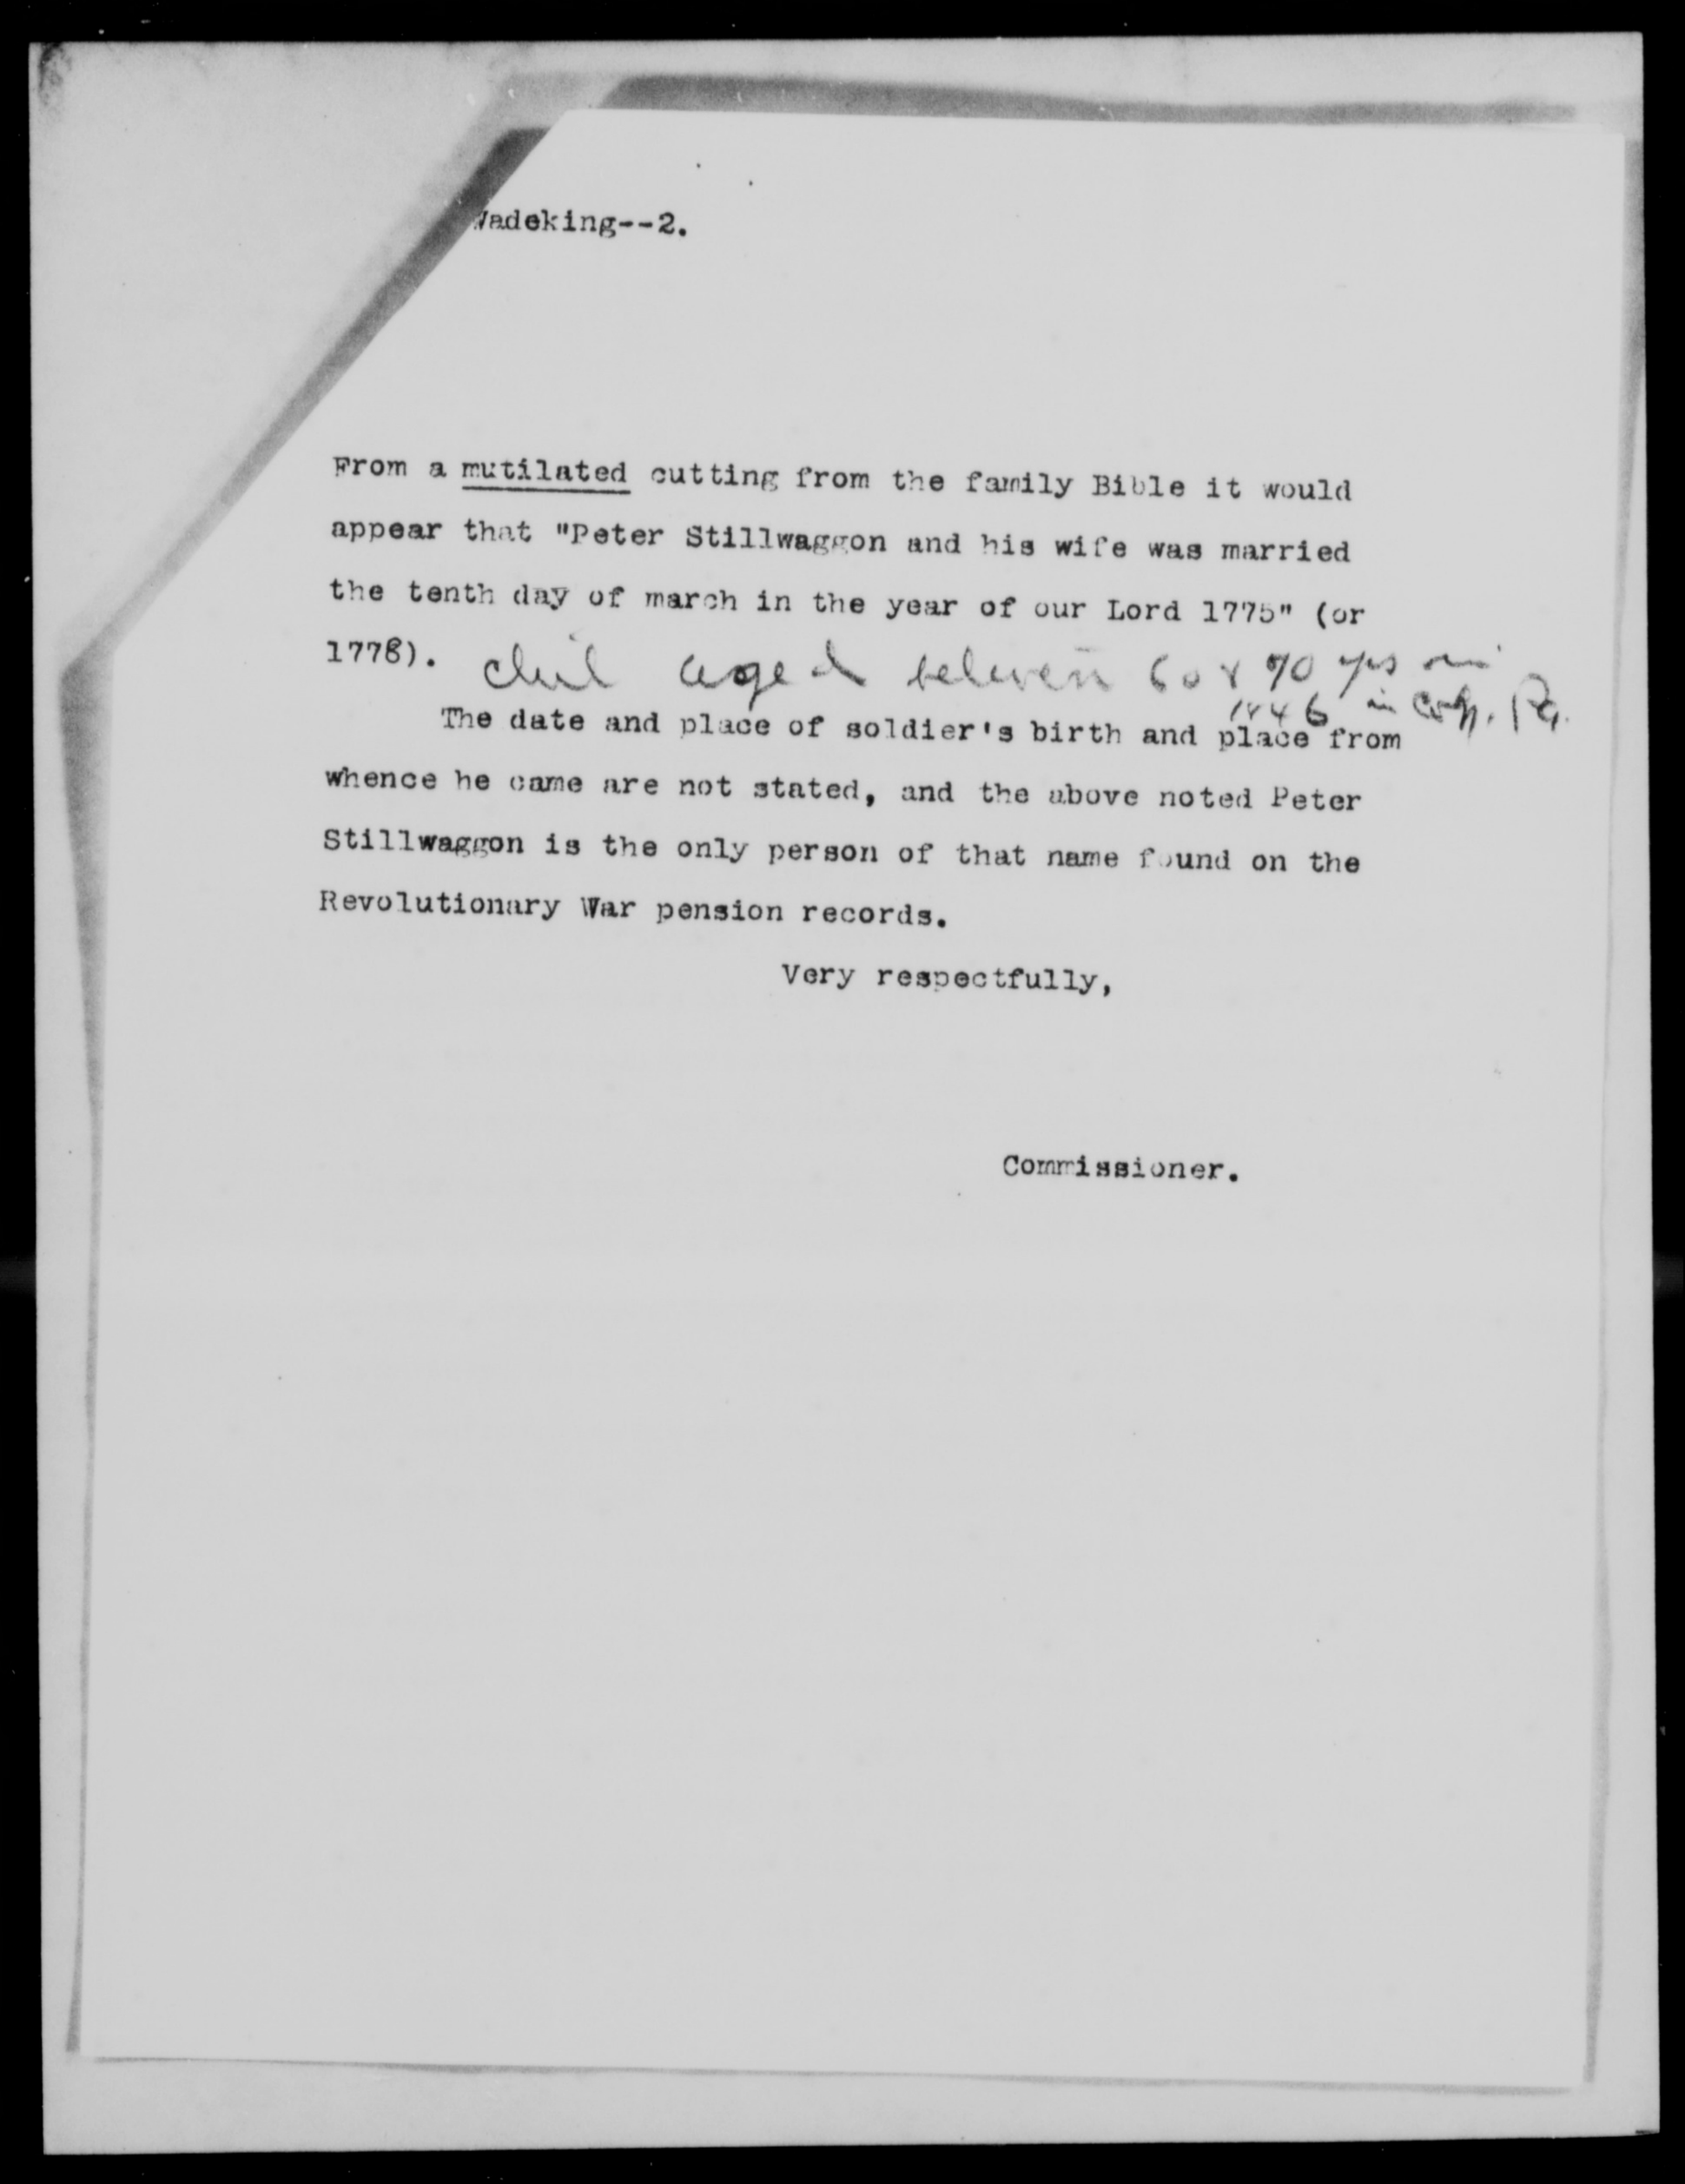[upper left corner of page missing] Wedeking—2.

From a mutilated cutting from the family Bible it would appear that “Peter Stillwaggon and his wife was [sic] married the tenth day of March in the year of our Lord 1775” (or 17780.
[Handwritten] chil [sic] aged [illegible] 50 [or 60] & 70 yrs in 1846 in [illegible] Pa. [Handwritten]

The date and place of soldier’s birth and place from whence he came are not stated, and the above noted Peter Stillwaggon is the only person of that name found on the Revolutionary War pension records.

Very respectfully
[no name inserted]
Commissioner.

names: Peter Stillwaggon; Peter Stillwaggon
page: 68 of 73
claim: widow's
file: W. 3197, for Peter Stillwagon, New Jersey